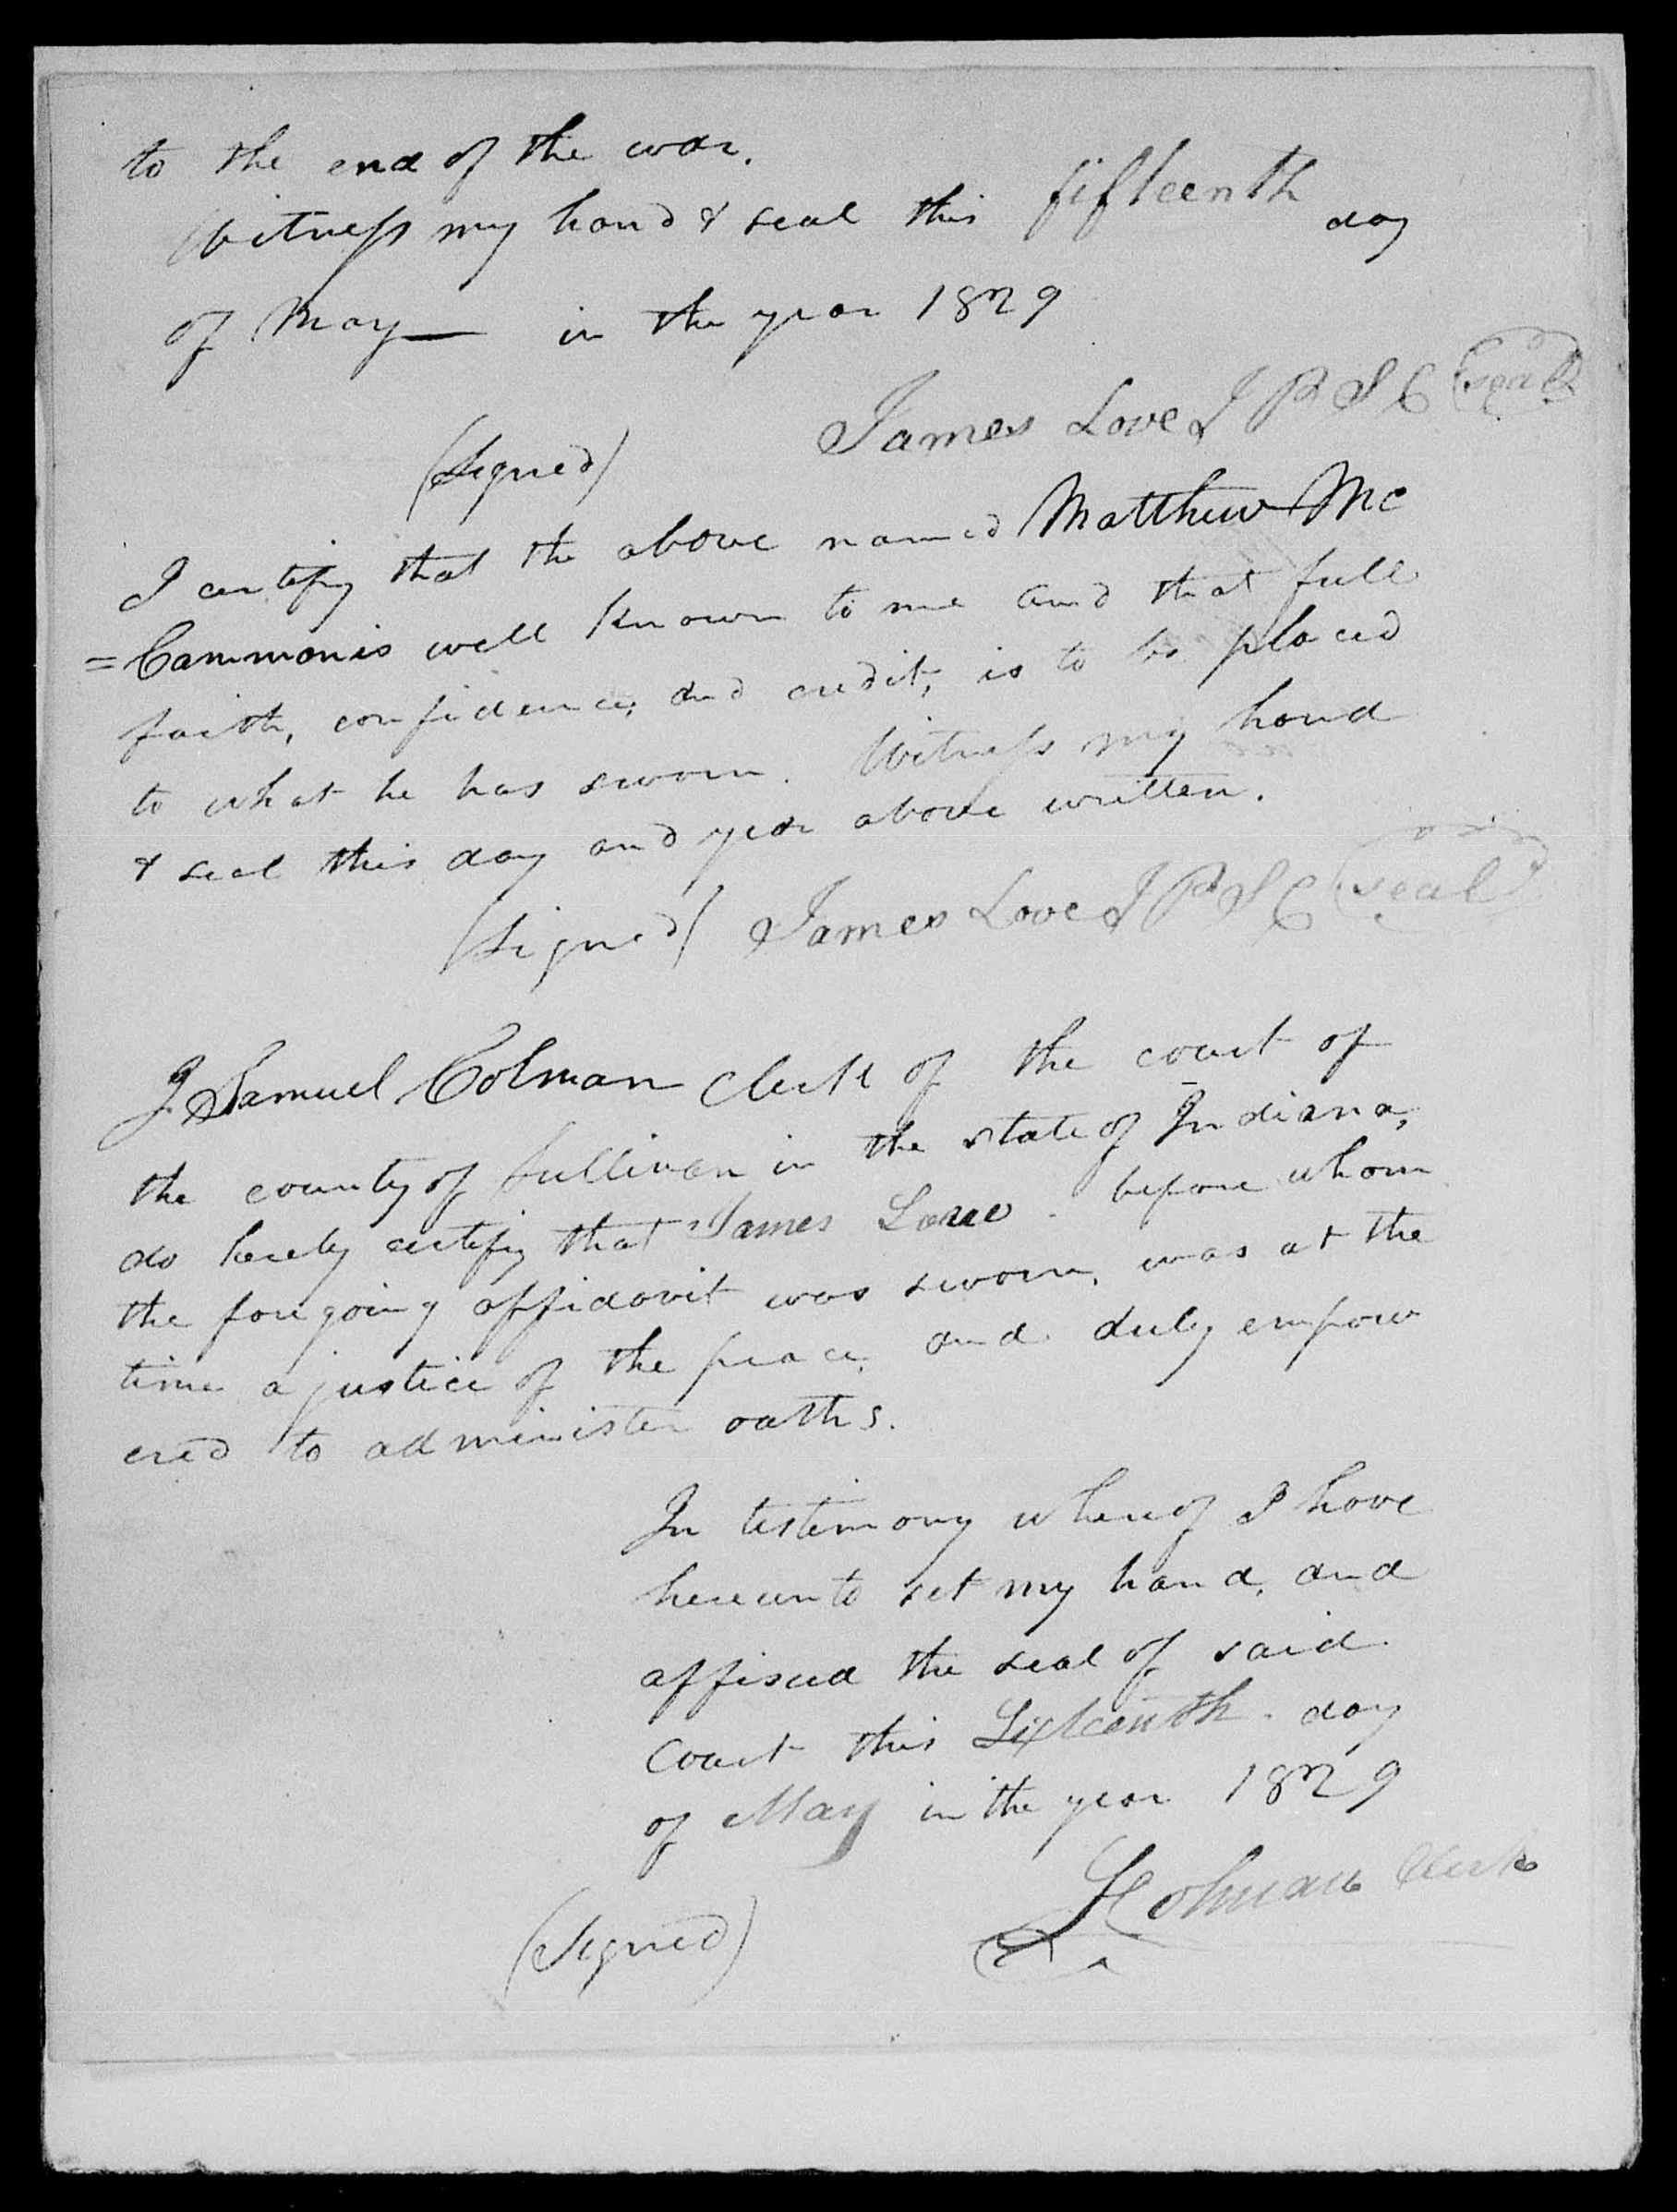to the end of the war. Witness my hand  & seal  this fifteenth day of May in the year 1829. ( signed )  James Love JP SC seal  I certify  that the above named Matthew McCammon   well known to me  and that full faith , confidence and credit , is to be place to what he has sworn. Witness my hand & seal  this day and year above written . ( signed ) James Love  J P SC seal .  I, Samuel Colman clerk of the Court of  the  County of Sullivan  in the  State of Indiana , do hereby certify that James Love , before whom the foregoing affidavit was sworn , was at the time  a Justice of the peace and duly empowered to administer oaths. In testimony whereof I have hereunto set my hand & affixed the seal of said office  this sixteenth day of May in the year 1829. ( signed ) S Colman clerk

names: James Love, S Colman, James Love, Samuel Colman, James Love, Matthew Mc Common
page: 28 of 44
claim: survivor's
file: S. 31,061, Thomas Gill, S.C.